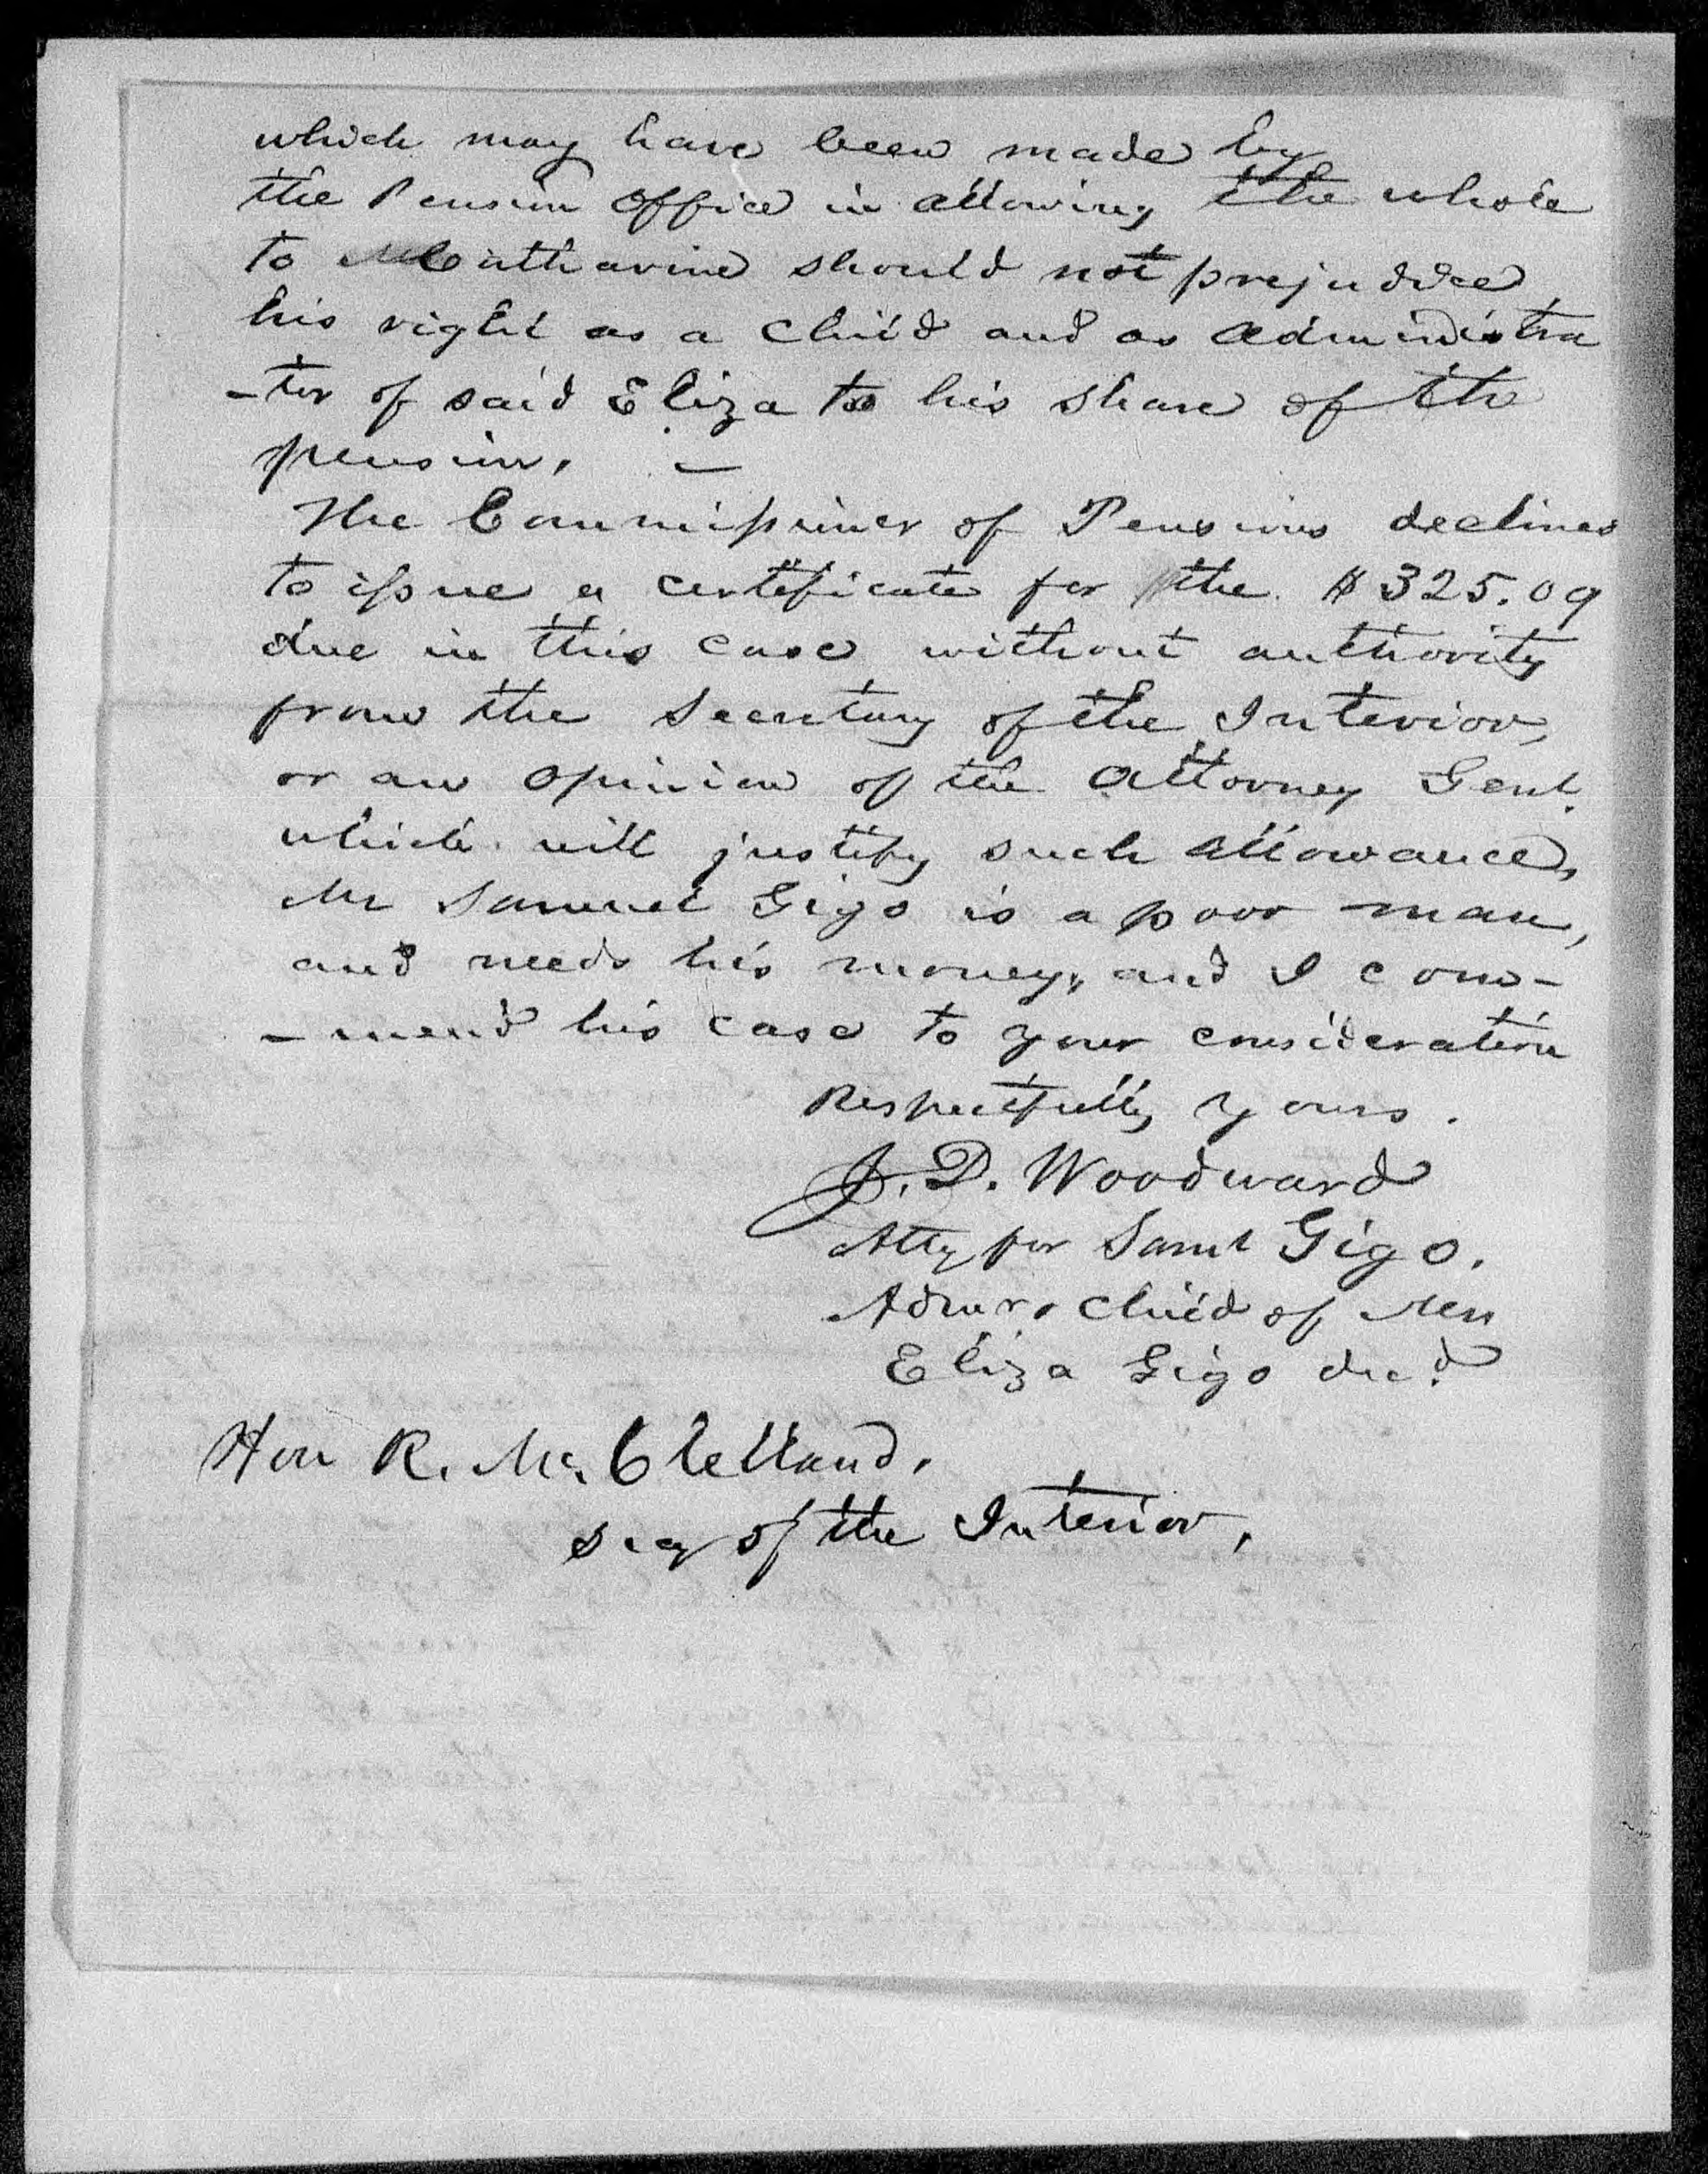which may have been made by the Pension Office in allowing the whole to Catharine should not prejudice his right as a child and as administrator of said Eliza to his share of the pension, -
   The Commissioner of Pensions declined to issue a certificate for the $325.09 due in this case without authority from the Secretary of the Interior or an opinion of the Attorney Genl. which will justify such allowance, 
he Samuel Gigo is a poor man, and needs his money, and I command his case to your consideration.
Respectfully yours,
J. D. Woodward
Atty for Saml Gigo, 
Admir, child of [illegible] Eliza Gigo decd

Hon R. McClelland,
Secy of the Interior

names: Eliza Gigo, Saml Gigo, J D Woodward, Eliza, Samuel Gigo, R Mc Clelland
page: 68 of 98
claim: widow's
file: W. 21182, Francis Gigo, Continental (Canadian)